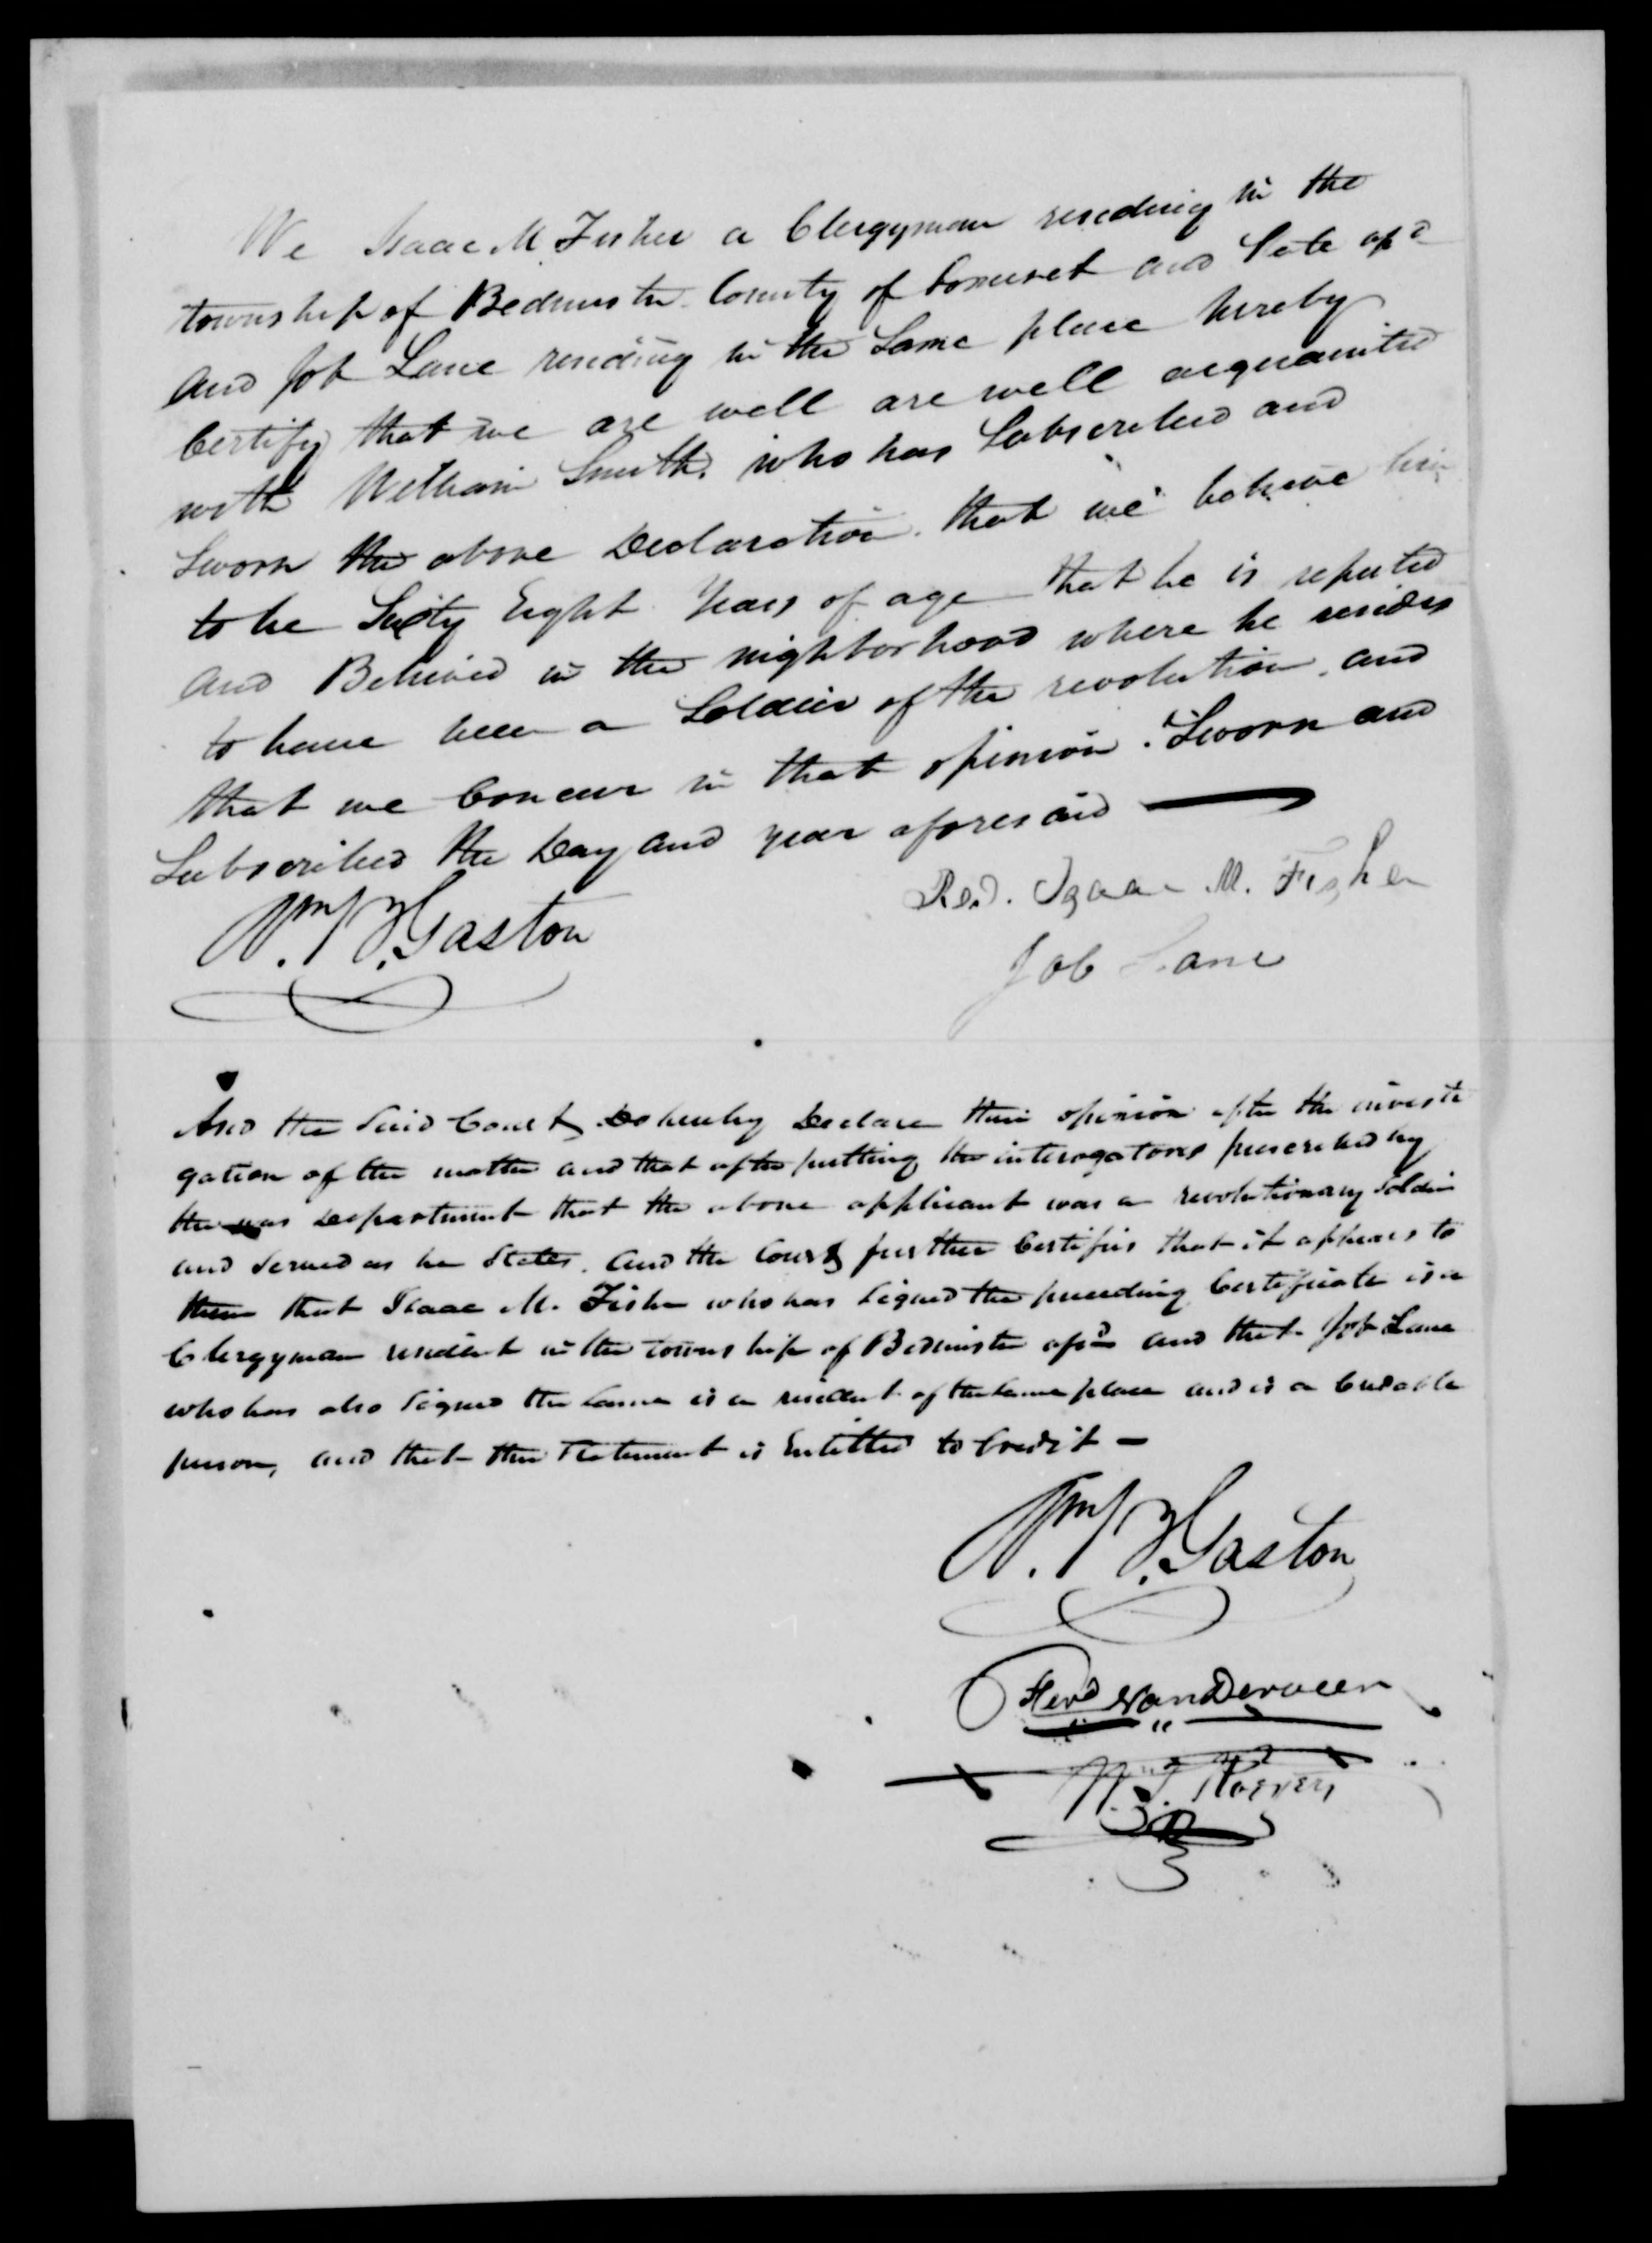We Isaac M. Fisher a Clergyman residing in the
township of Bedminster County of Somerset and State afsd and Job Lane residing in the same place hereby certify that we are well are well [sic] acquainted with William Smith who has subscribed and Sworn the above declaration that we believe him to be Sixty Eight years of age- that he is reputed and believed in the neighorhood where he resides to have been a soldier of the revolution and that we concur in that opinion. Sworn and Subscribed the day and year aforesaid---

Wm B. Gaston
Revd. Isaac M. Fisher
Job Lane

And the said Court do hereby declare their opinion after the investigation of the matter and that after putting the interrogators presented by
the war department that the above applicant was a revolutionary soldier and served as he states. And the Court further certifies that it appears to them that Isaac M. Fisher who has signed the preceding certificate is a Clergyman resident in the township of Bedminster afsd and that Job Lane  who has also signed the same is a resident of the same place and is a credible
person, and that this statement is entitled to credit
Wm. B. Gaston
Revd Vanderveen
Wm T. Hooven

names: William Smith; Isaac M Fisher; Isaac M Fisher; Job Cane; Wm B Gaston; Wm T Hooven; Wm B Gaston; Isaac M Fisher; Job Cane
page: 10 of 27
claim: survivor's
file: S. 915, for William Smith, New Jersey